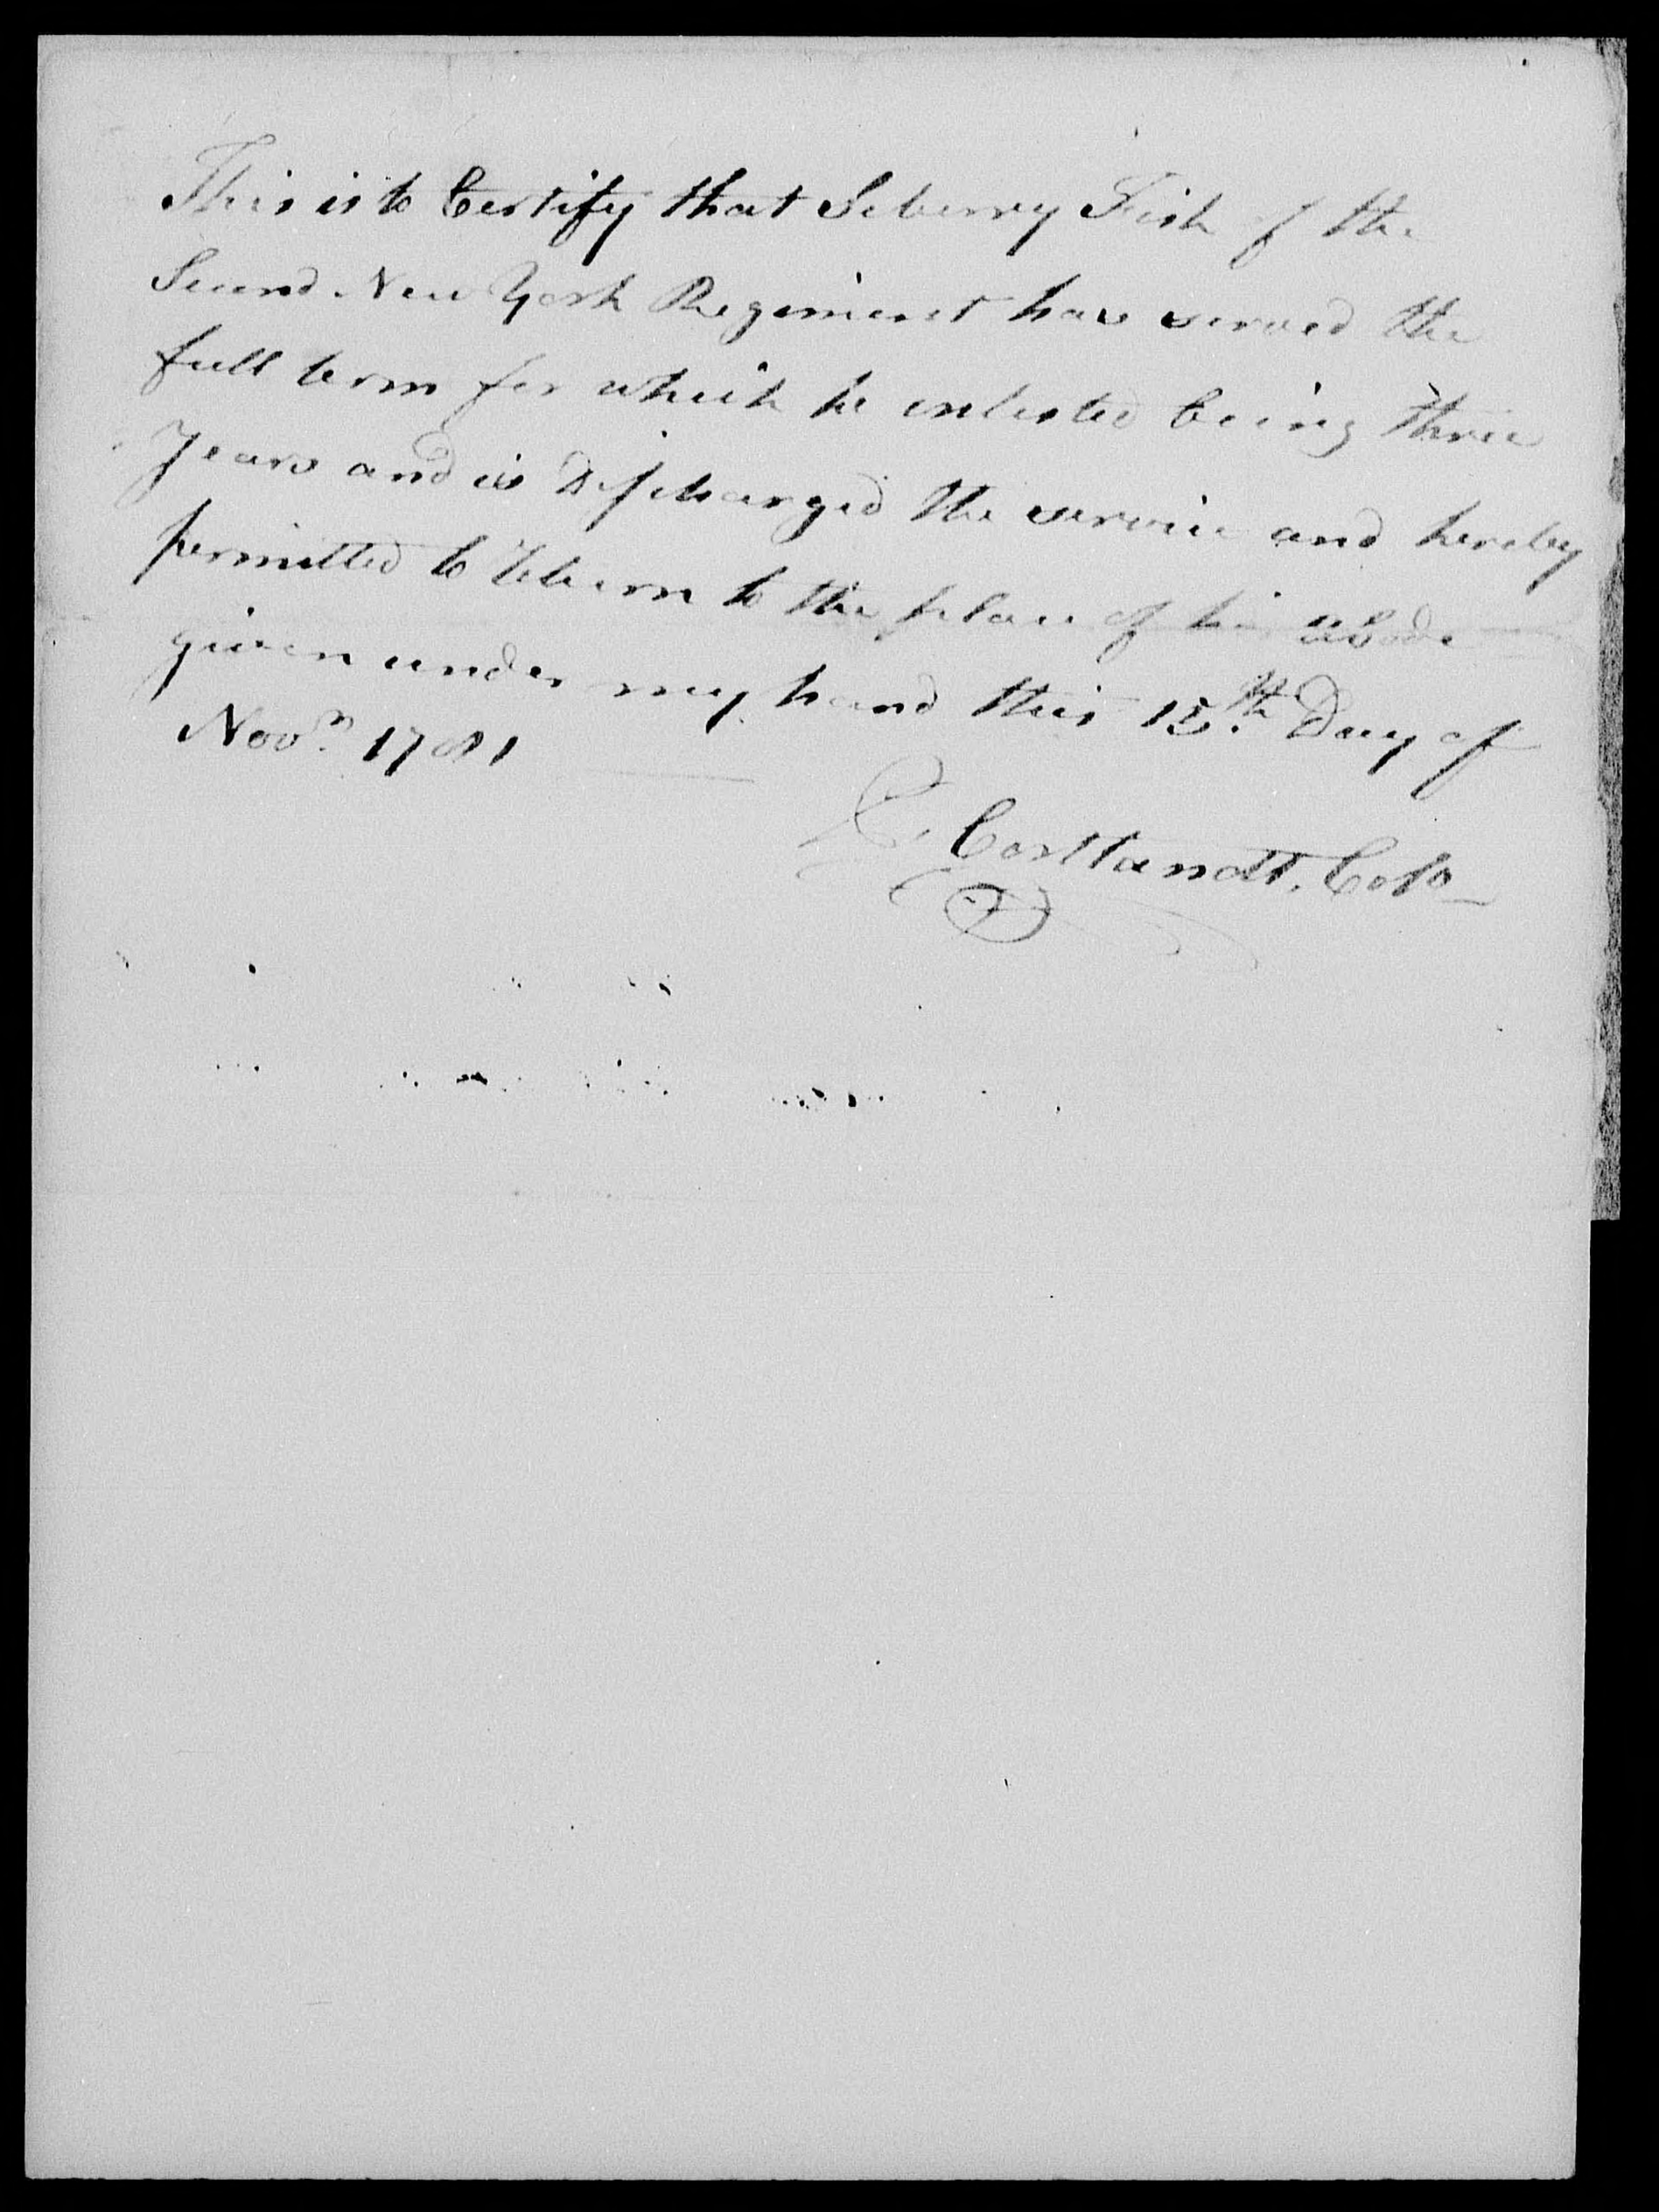[Handwritten record:]

This is to Certify that Seberrey Fish of the Second New York Regiment has served the full term for which he enlisted being three Years and is Discharged the service and hereby permitted to return to the place of his abode
Given under my hand this 15th. Day of Novr. 1781 __ 

[Here, before the signature surname, there is a large squiggle which may have been the initial:]   C. Cortlandt, Colo [Colonel] __  [followed by a flourish]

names: G Cortlandt, Seberry Fish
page: 11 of 26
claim: survivor's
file: S. 29797, Seberry Fish, New York